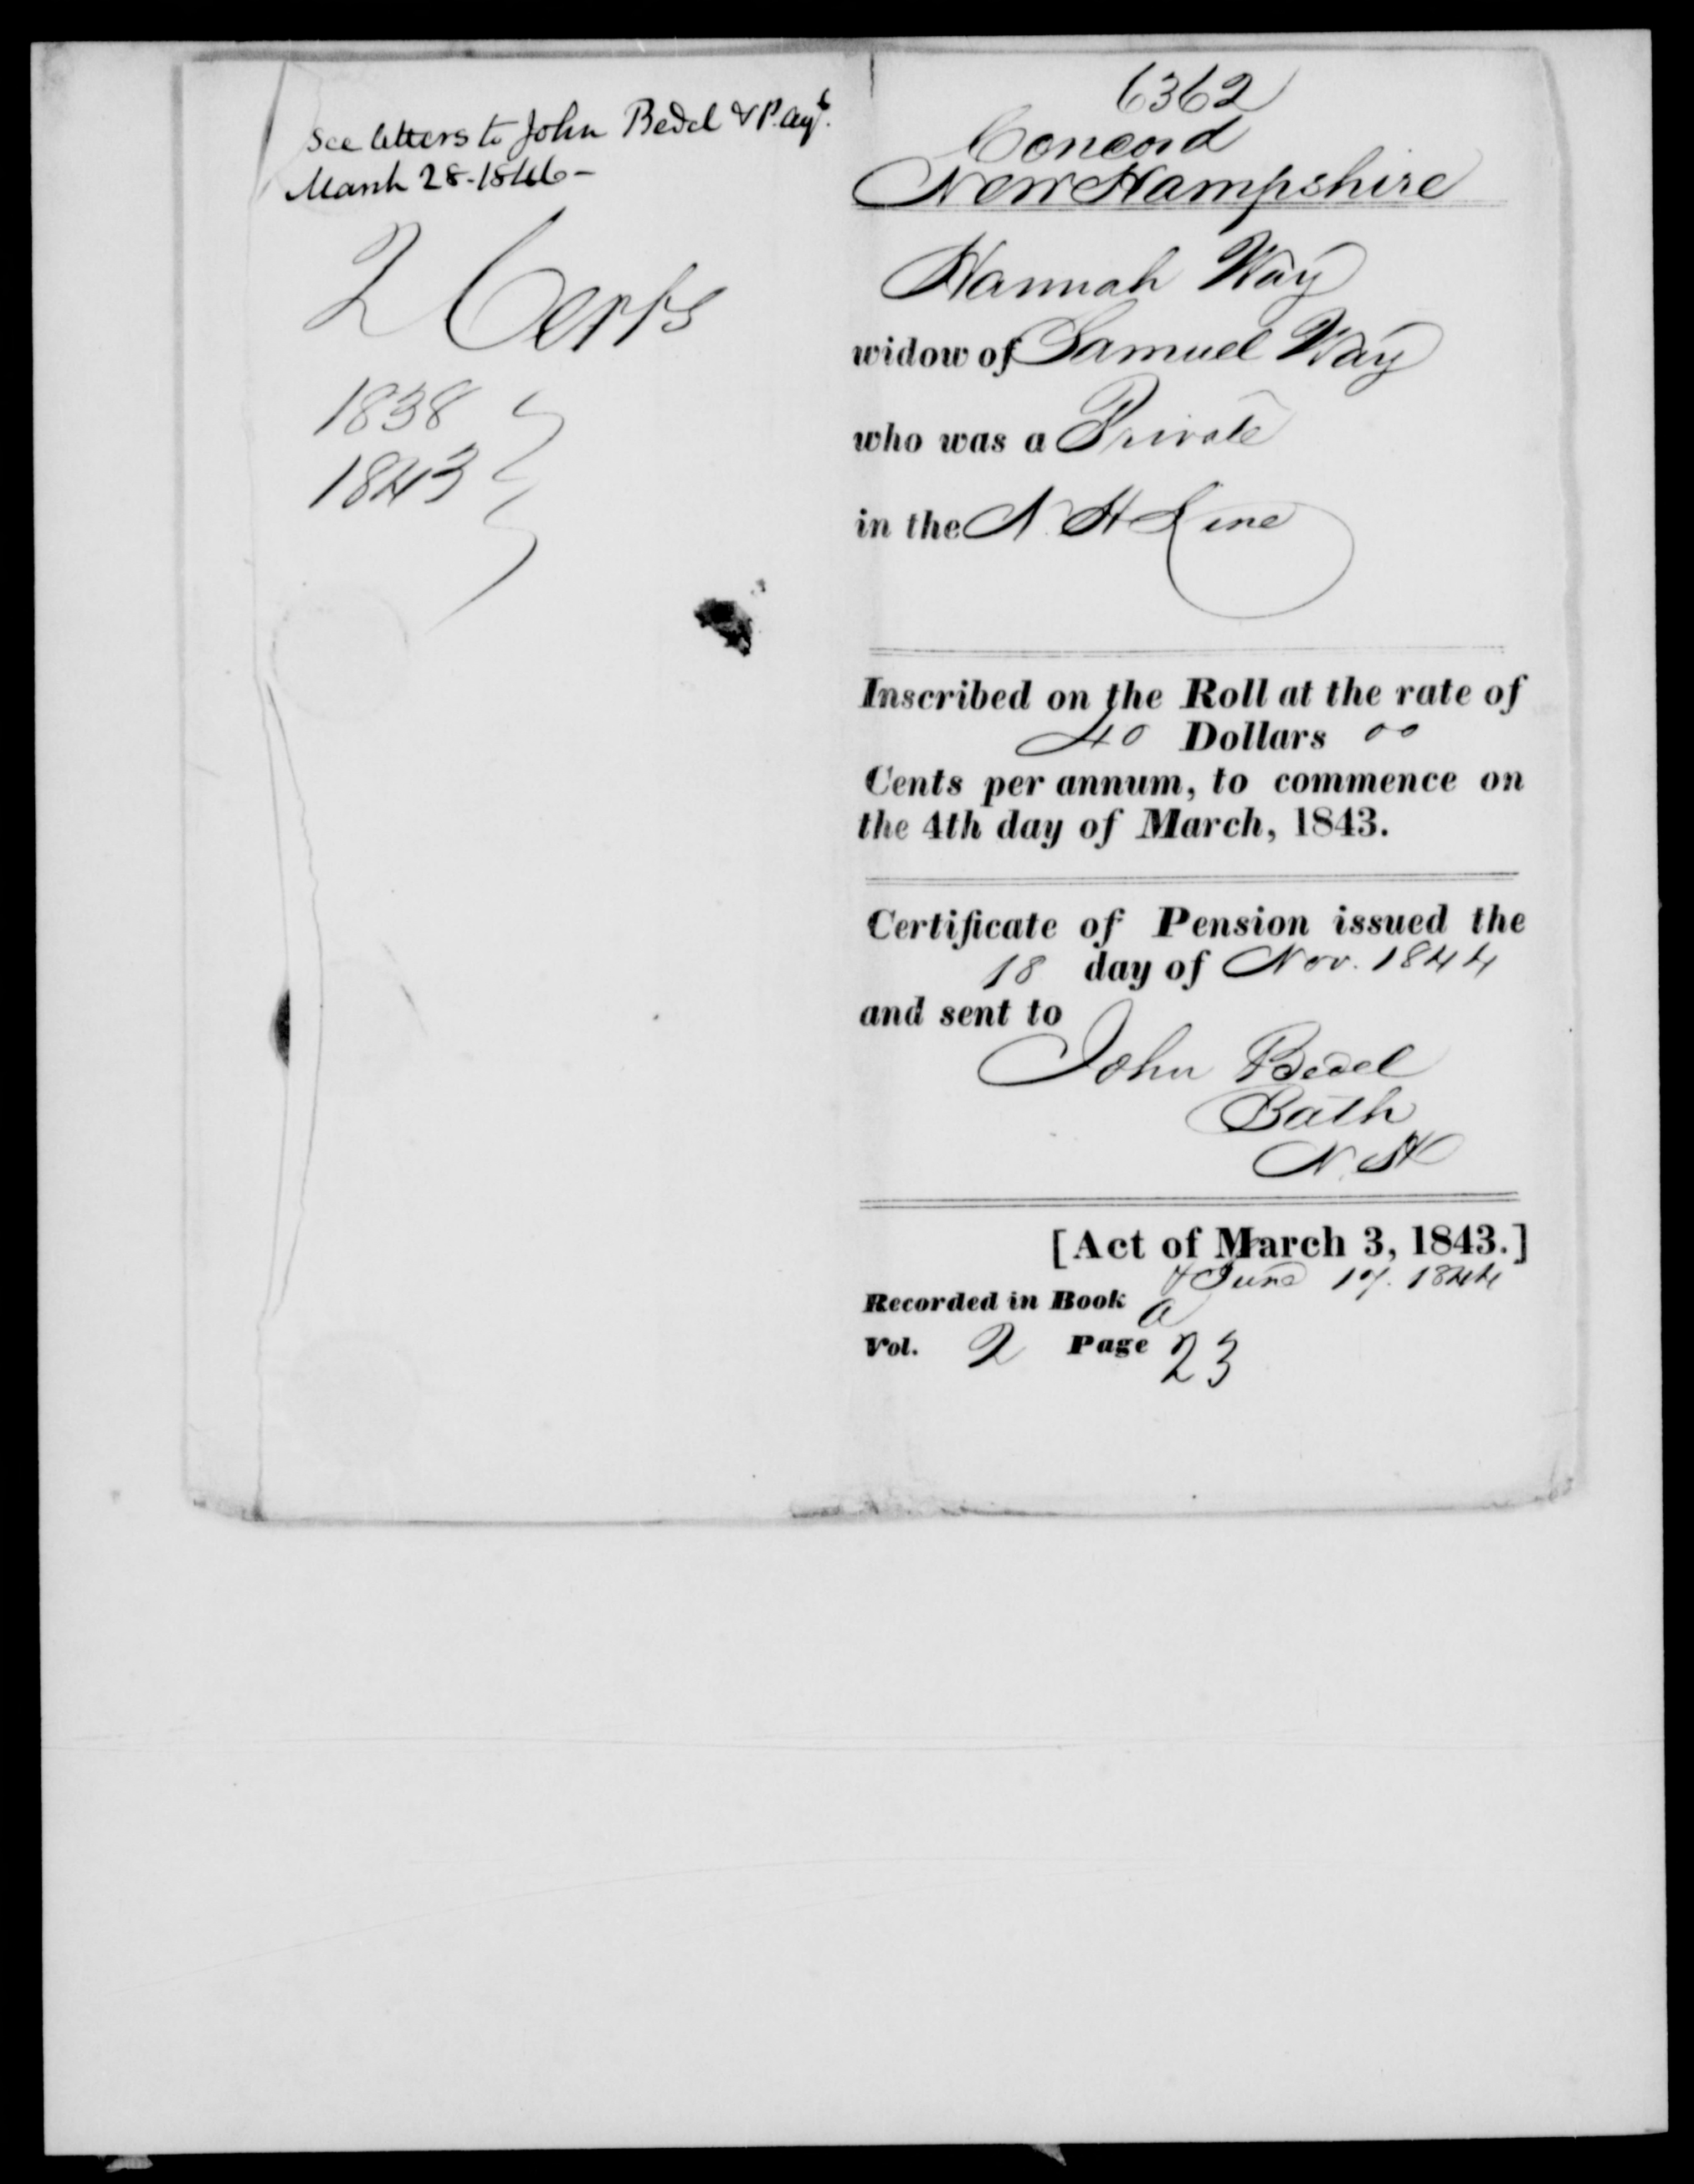see letters to John Bedel & Pay
March 28 1846-
2 Cerps

1838
1843
6362
Concord
New Hampshire
Hannah Way
widow of Samuel Way
who was a Private
in the N H Line
Inscribed on the Roll at the rate of
40 Dollars
Cents per annum, to commence on
the 4th day of March, 1843.
Certificate of Pension issued the
18 day of Nov. 1844
and sent to
John Bedel
Bath
NH
Act of March 3, 1843.
& June 17, 1844
Recorded in Book A
Vol. 2 Page 23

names: John Bedel, Hannah Way, Samuel Way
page: 22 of 78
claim: widow's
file: W. 25856, Samuel Way, N.H.